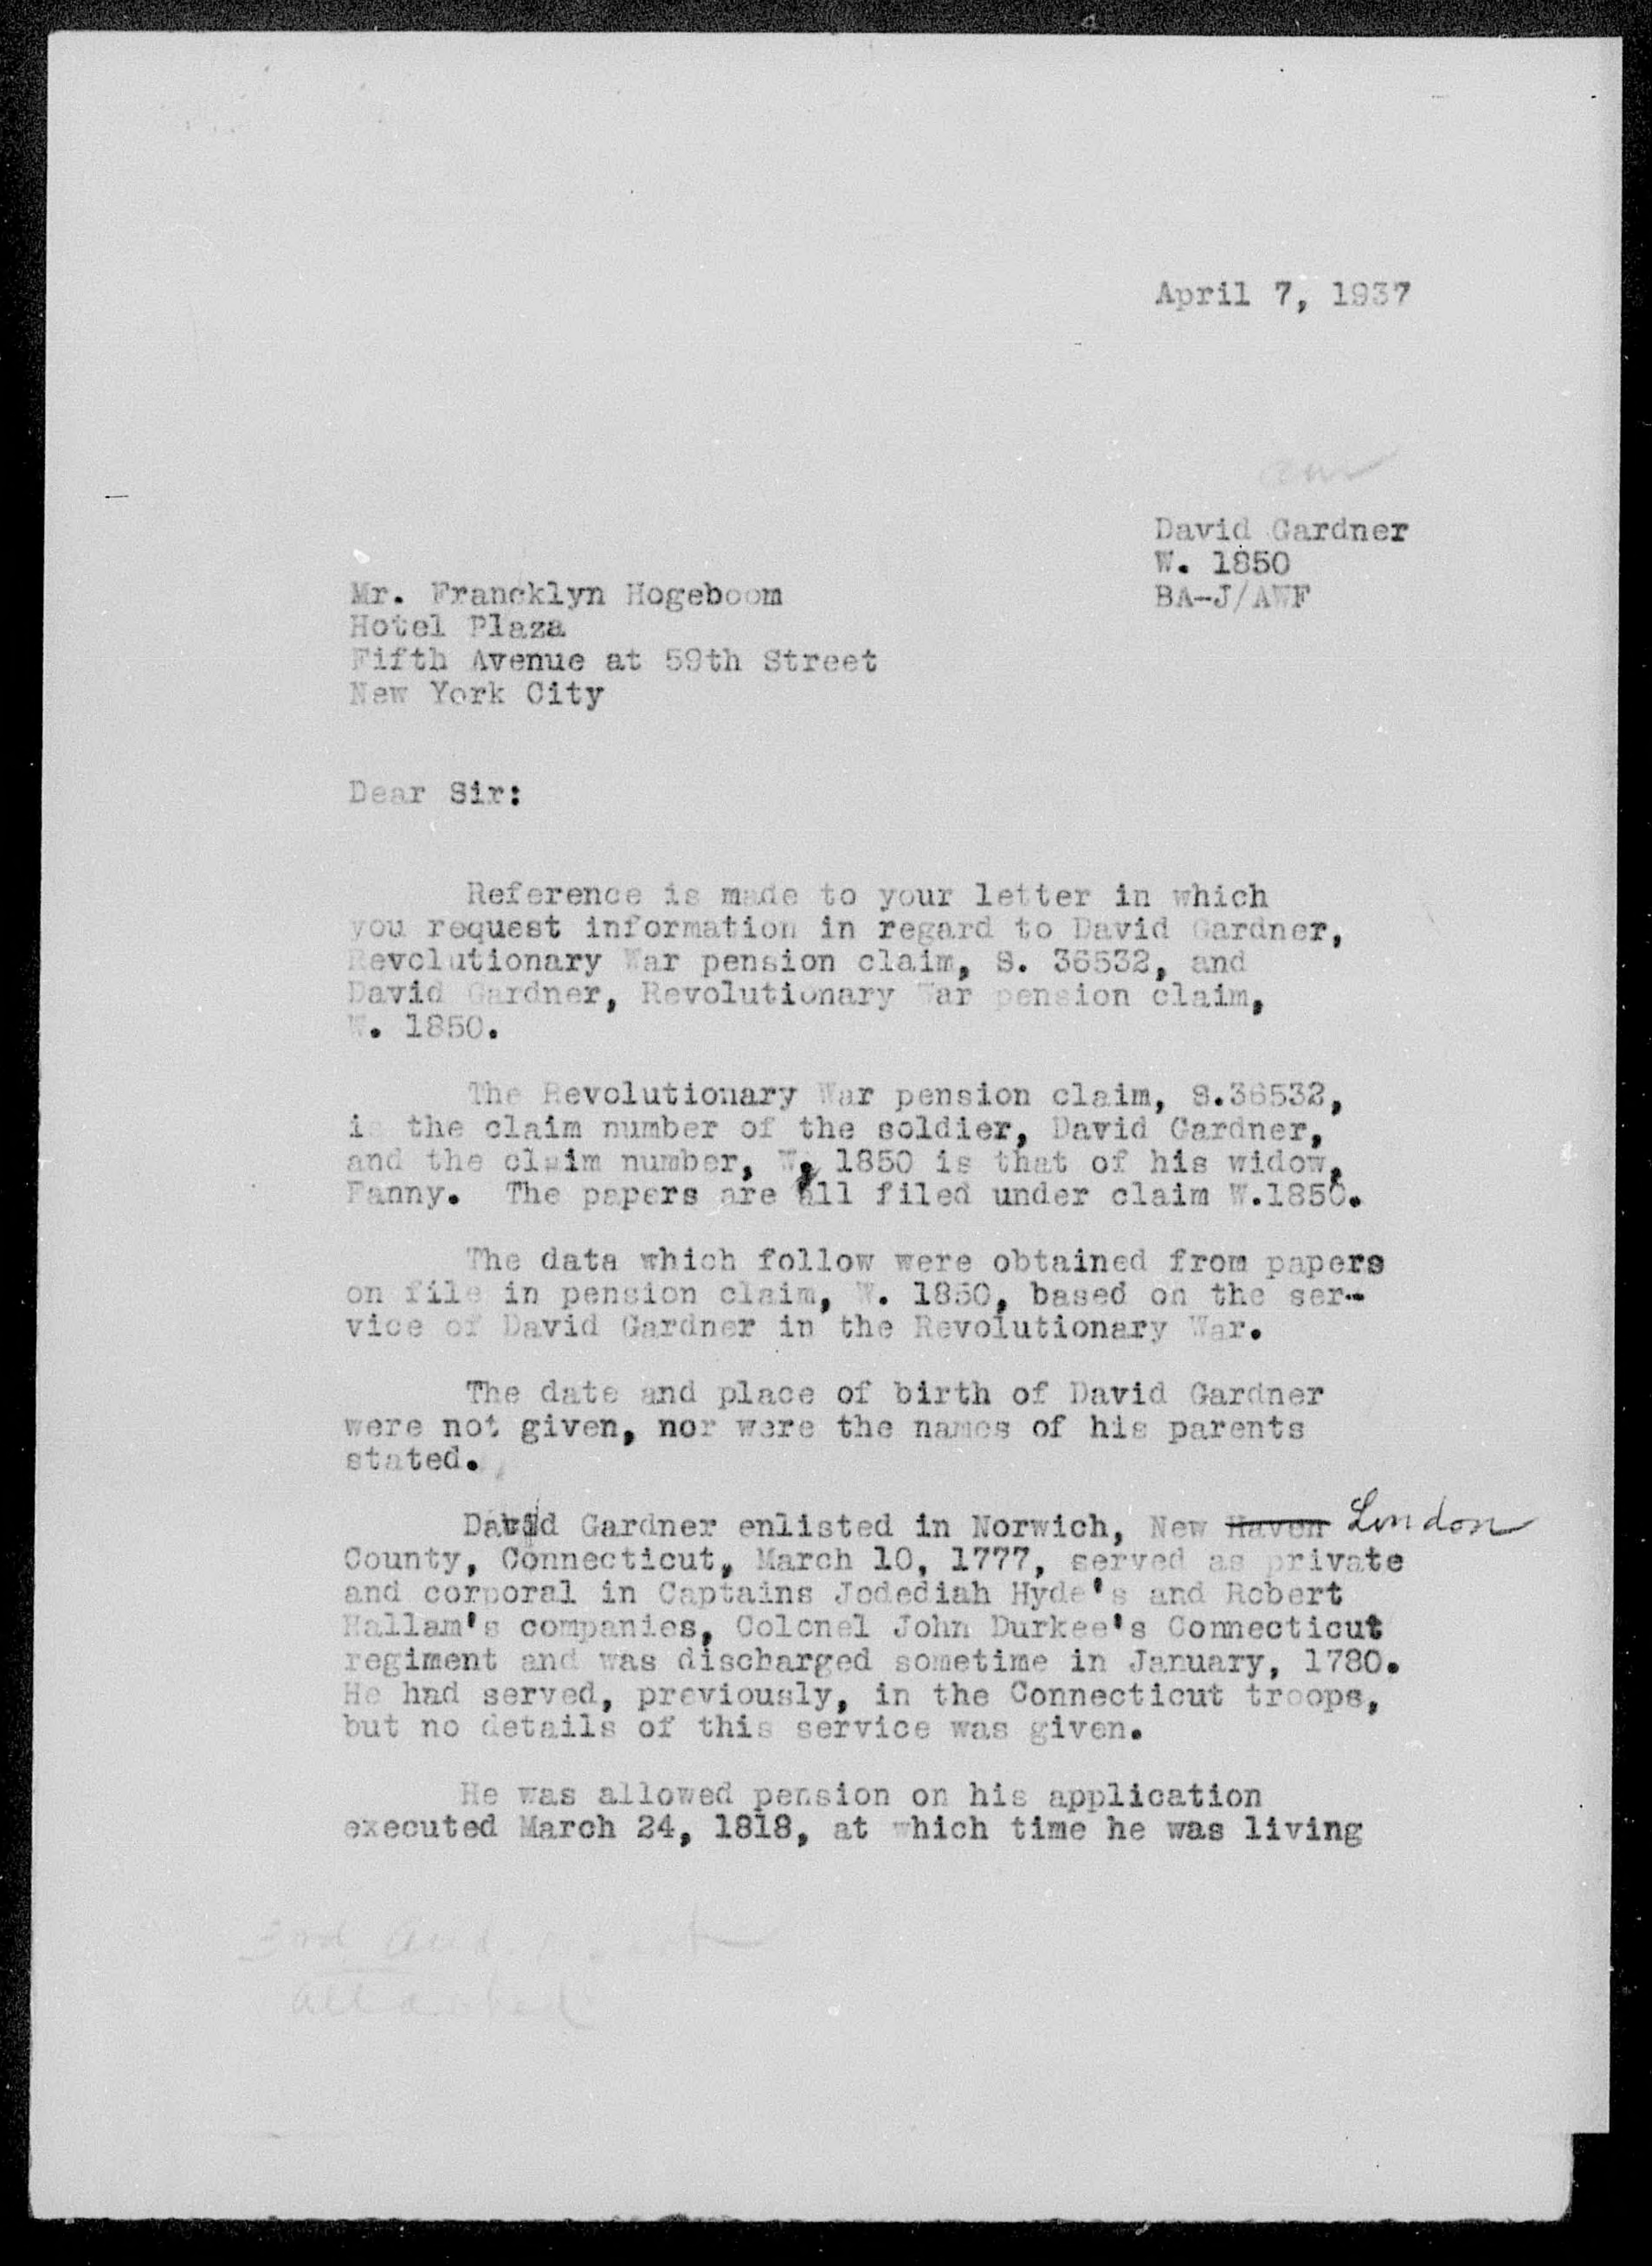April 7, 1937


                                                     David Gardner
                                                       W.1950
                                                       BA-J/AWF

Mr. Francklyn Hogeboom
Hotel Plaza
Fifth Avenue at 59th Street
New York City

Dear Sir:

Reference is made in your letter in which you request information in regard to David Gardner,
Revolutionary War pension claim, S.36532, and David Gardner, Revolutionary War pension claim,W.1850.

The Revolutionary War pension claim, S.36532,is the claim number of the soldier, David Gardner, and the claim number is W.1850is that of his widow Fanny. The papers are all filed under claim W.1850.

The data which follow were obtained from papers on file in pension claim, W.1850, based on the service of David Gardner in the Revolutionary War.

The date and place of birth of David Gardner were not given, nor were the names of his parents stated.

David Gardner enlisted in Norwich, New London County, Connecticut, March 10, 1777,served as private and corporal in Captains Jedediah Hyde's and Robert Hallam's companies, Colonel John Durkees's Connecticut regiment and was discharged sometime in January, 1780. He had served, previously, in the Connecticut troops, but no details of this service was given.

He was allowed pension on his application executed March 24,1818 at which time he was living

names: David Gardner, David Gardner, Fanny, David Gardner, Francklyn Hogeboom, David Gardner, David Gardner, David Gardner, David Gardner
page: 25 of 66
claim: widow's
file: W 1850, David Gardner, Conn.